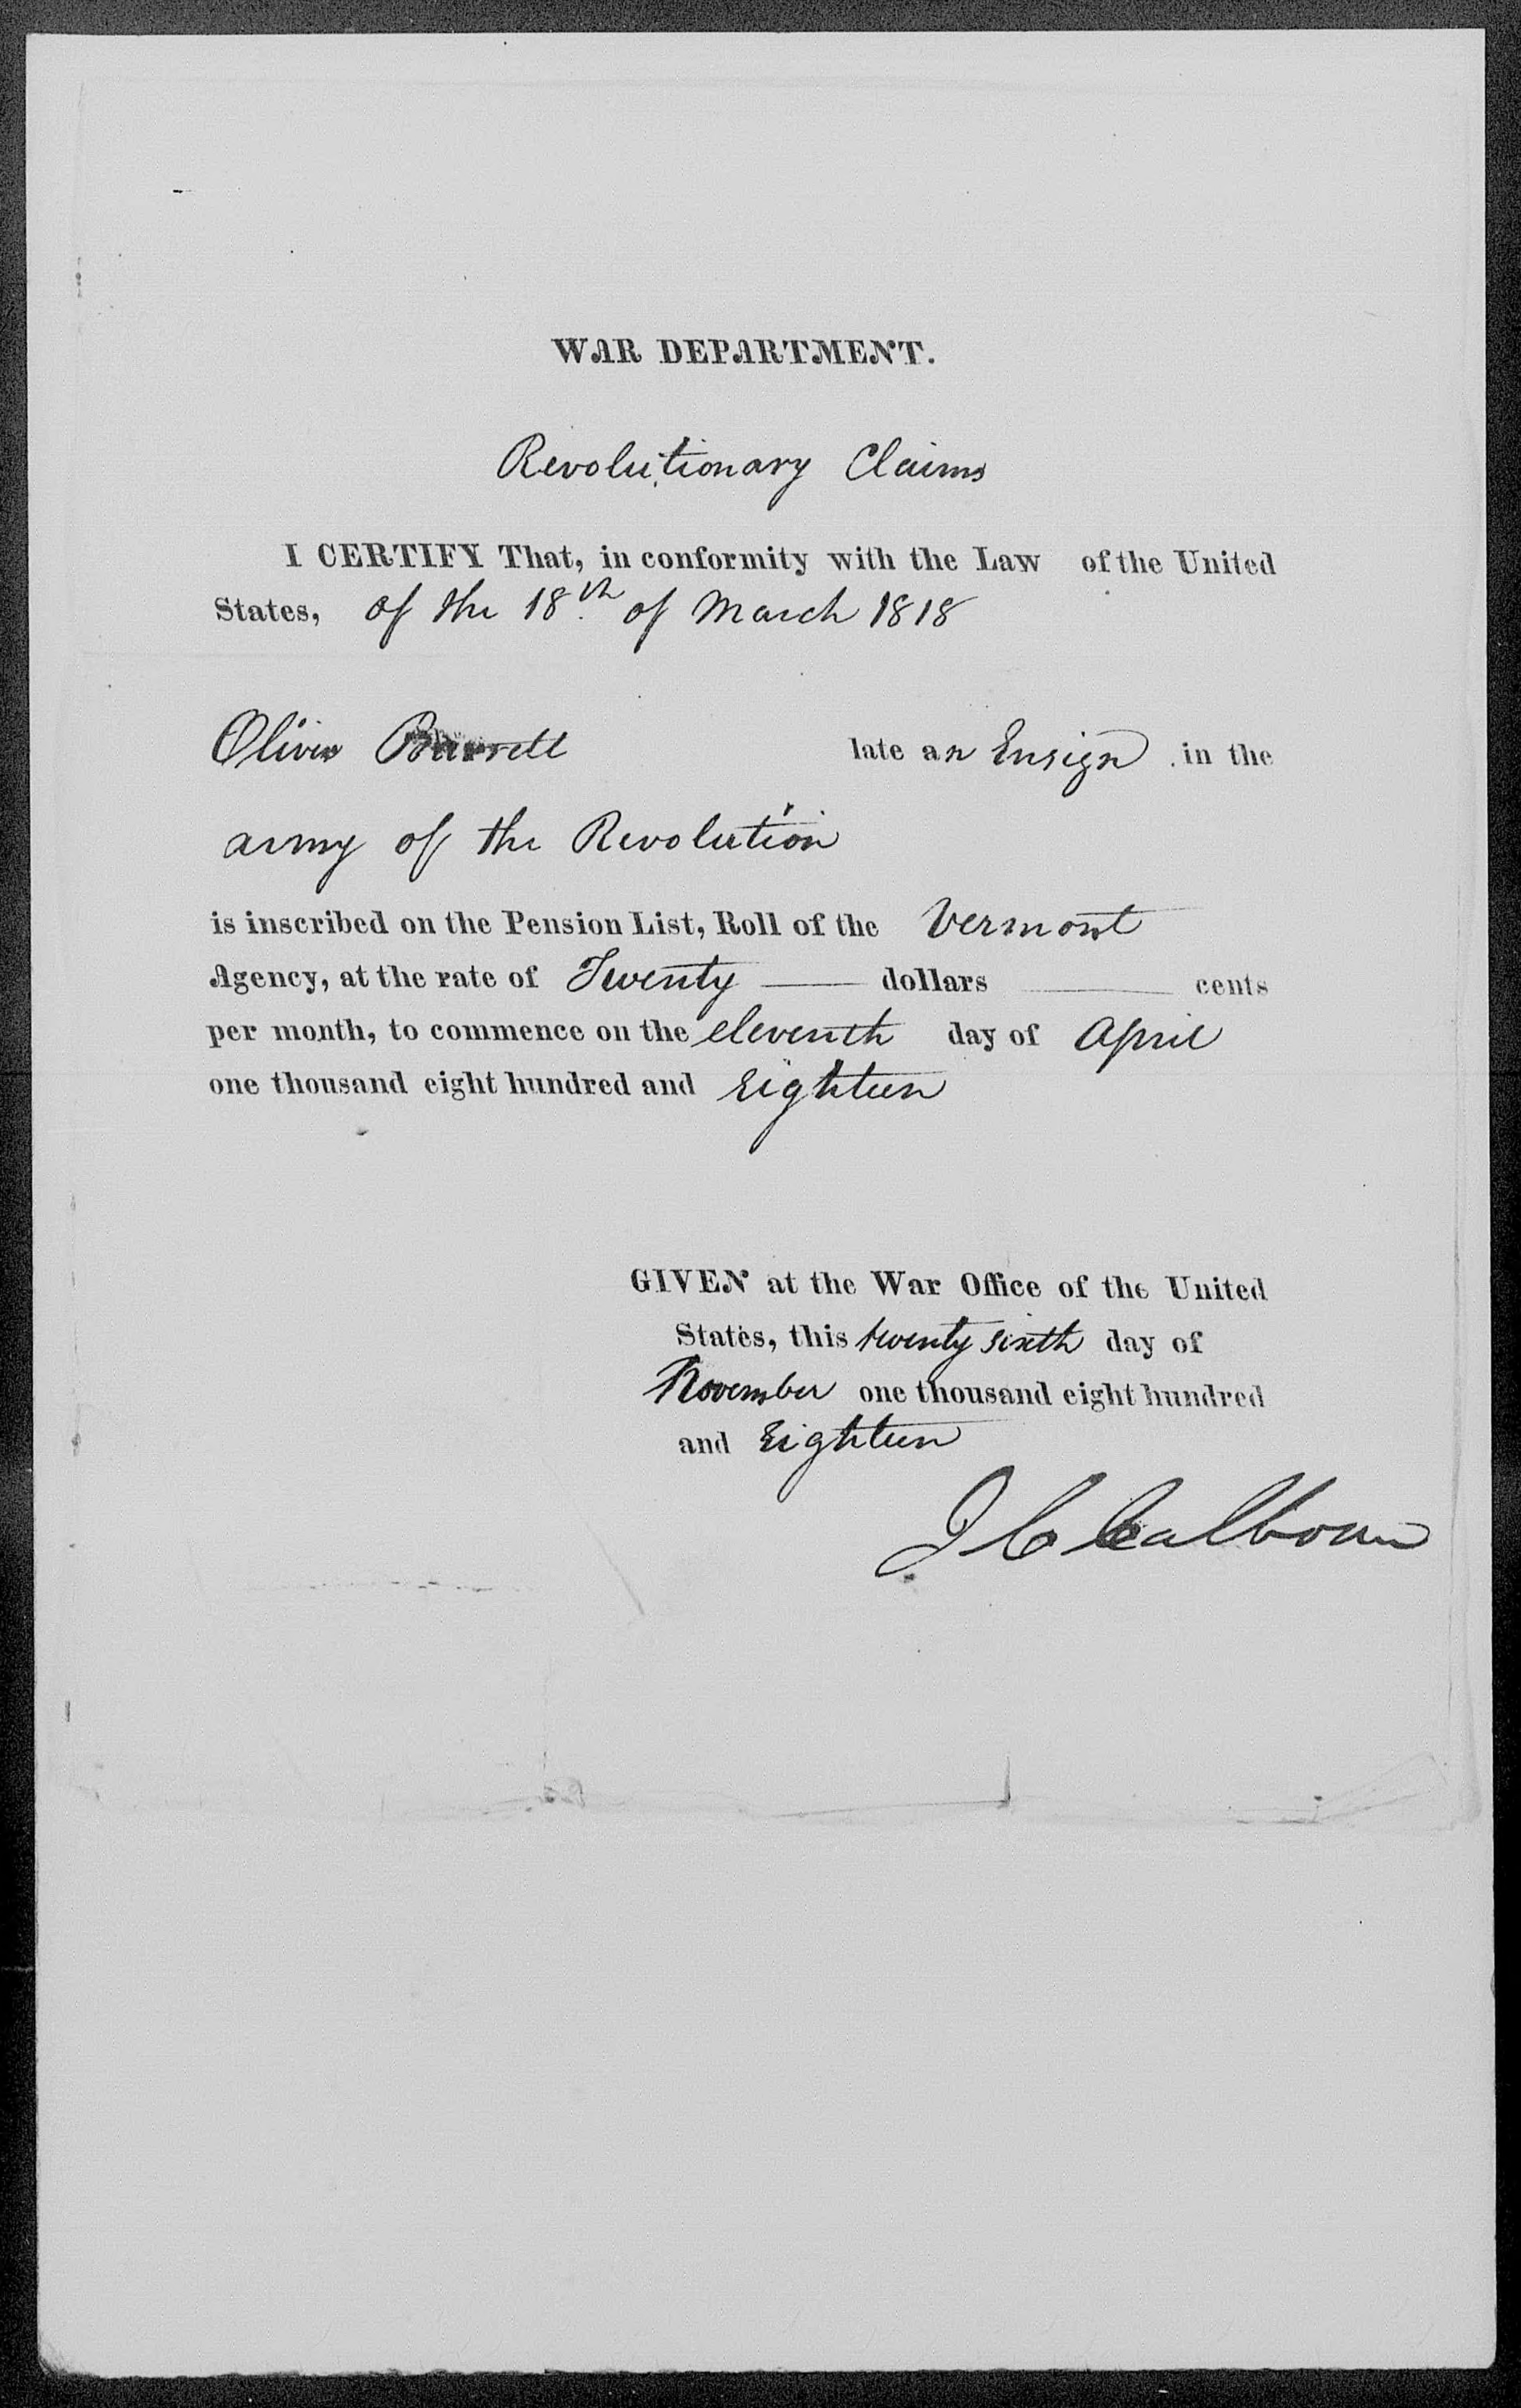War Department.

Revolutionary Claims

I Certify That, in conformity with the Law of the United States, of the 18th of March 1818
Oliver Barrett late an Ensign, in the Army of the Revolution
is inscribed on the Pension List, Roll of the Vermont
Agency, at the rate of Twenty dollars - cents per month, to commence on the eleventh day of April one thousand eight hundred and eighteen. 

Given at the War Office of the United States, this twenty sixth day of November one thousand eight hundred and eighteen. 
J. C. Calhoun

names: J C Calhoun, Oliver Barrett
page: 19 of 83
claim: widow's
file: W. 10,384, Oliver Barrett, Continental (Vt.) N.Y.